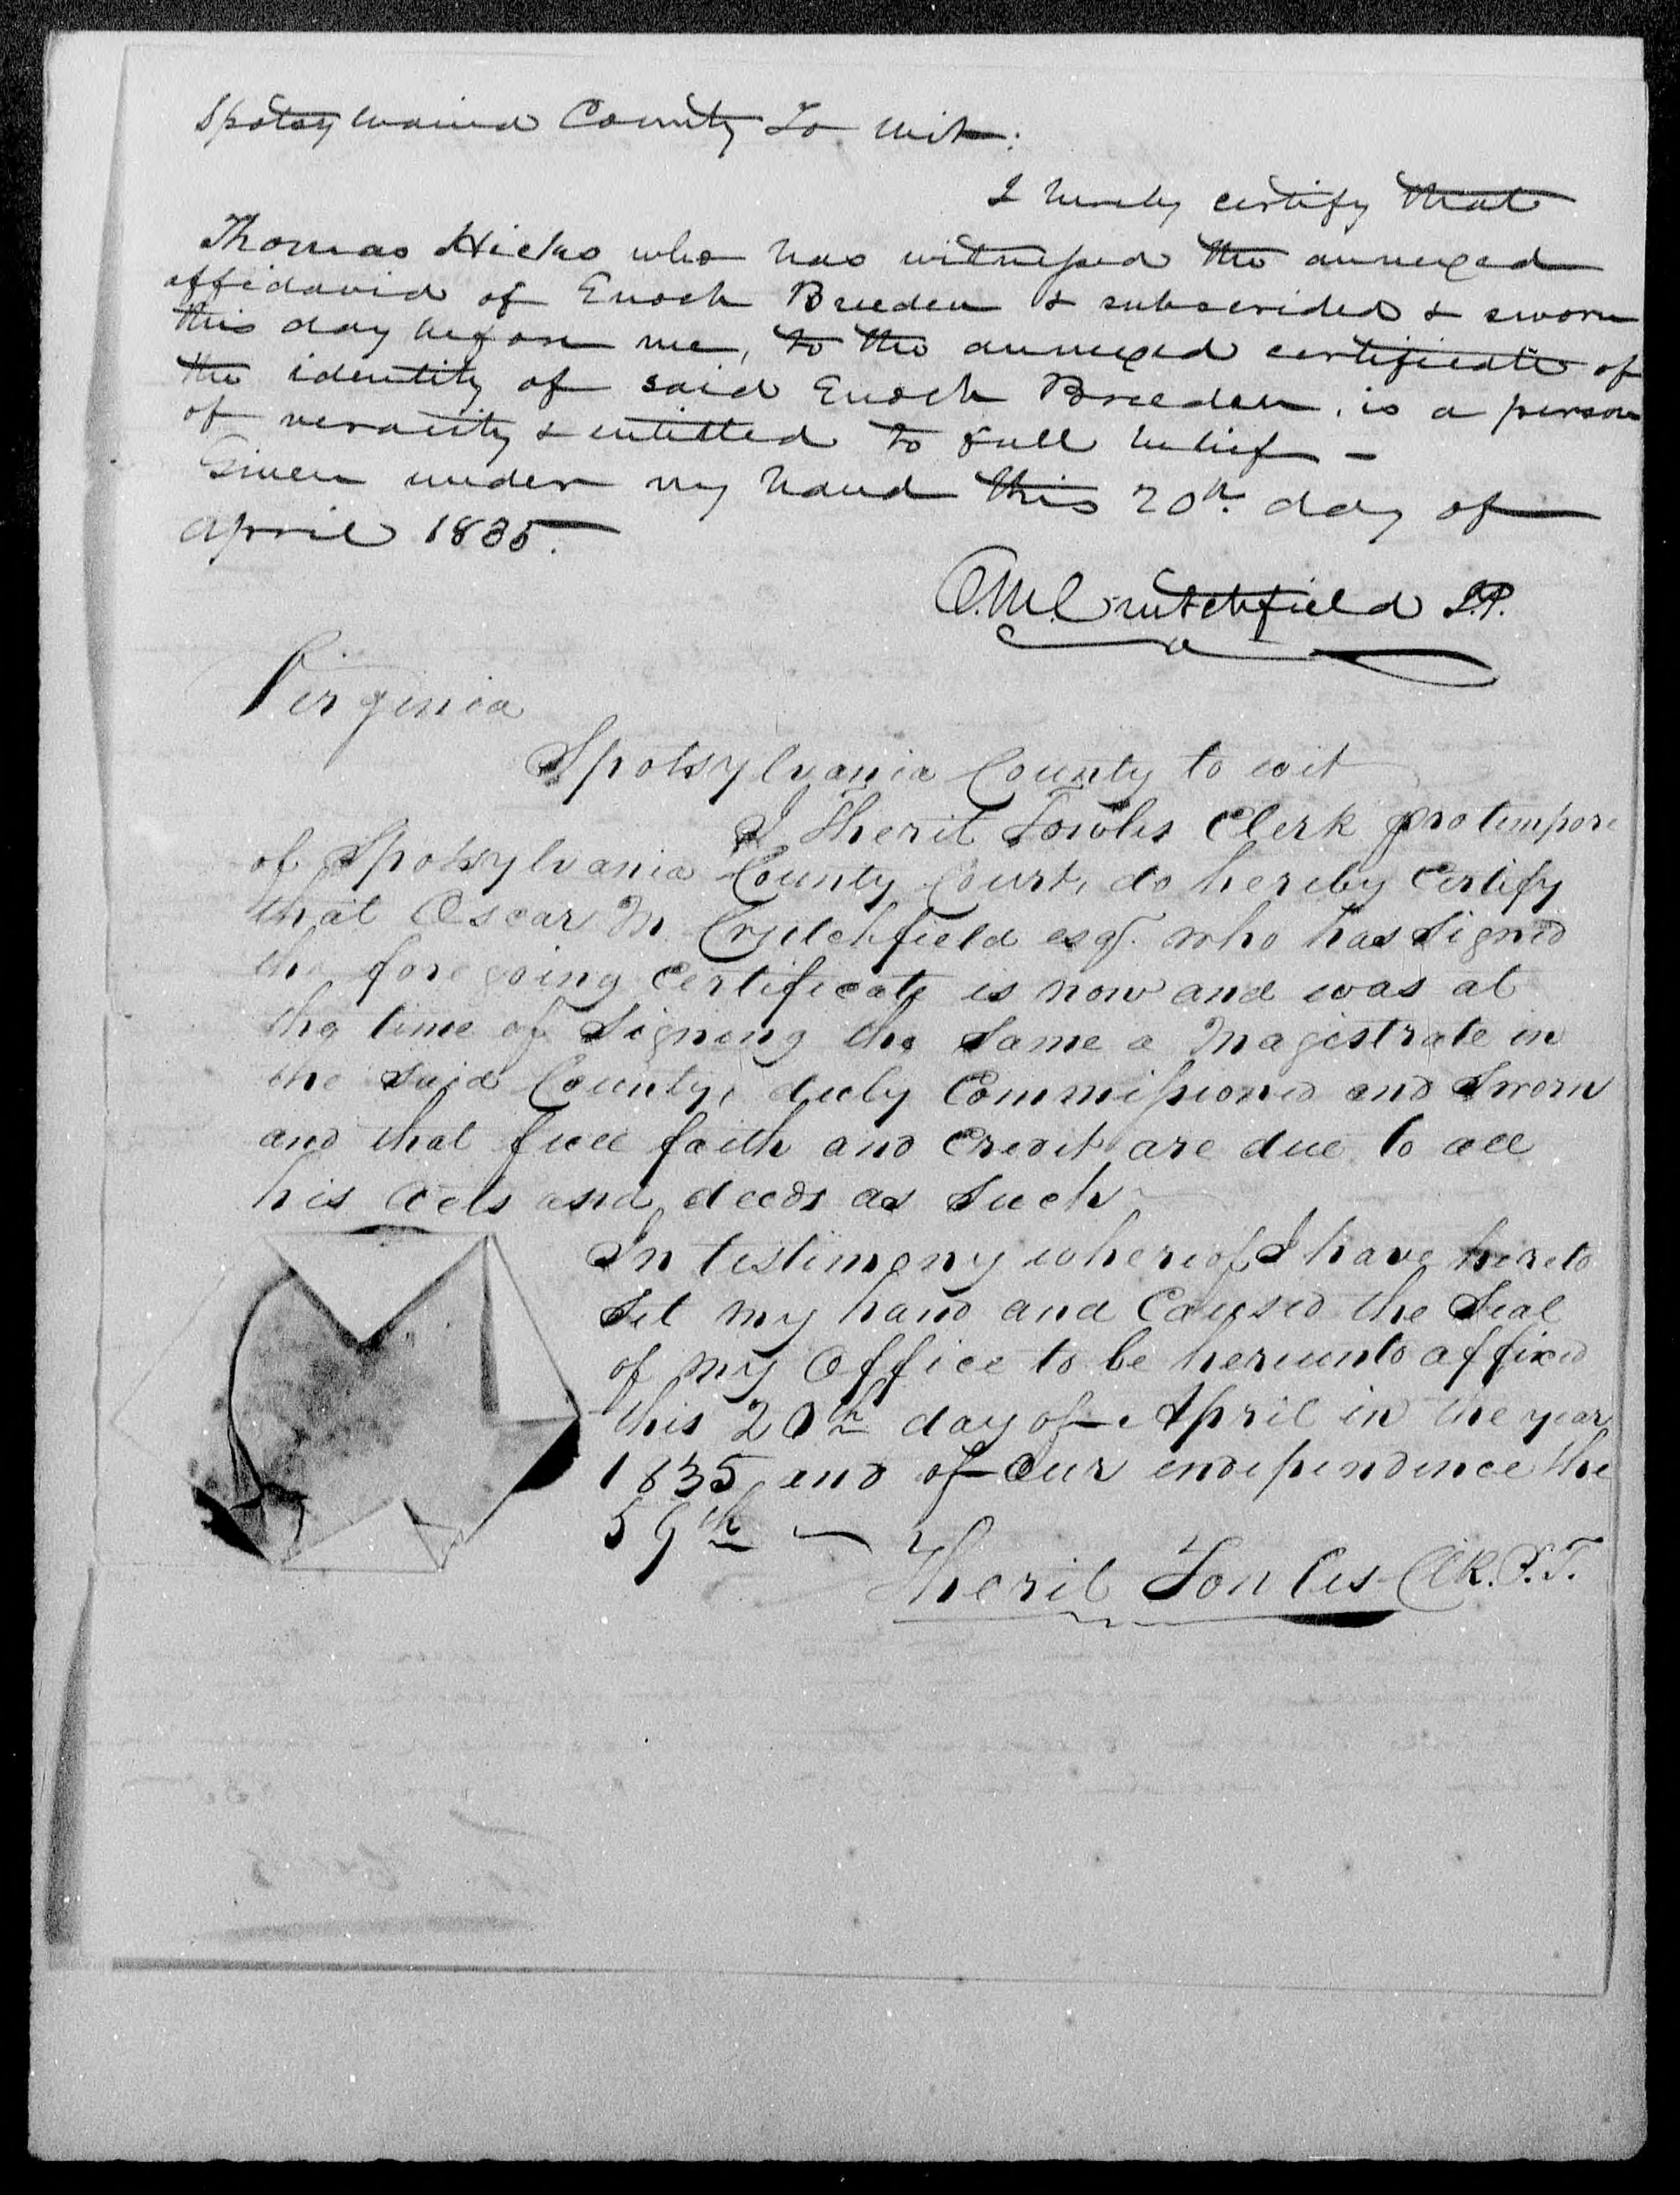Spotsylvania County To wit:
I hereby certify that Thomas Hicks who has witnessed the annexed affidavid of Enoch Breeden & subscribed & sworn this day before me, to the annexed certificate of the identity of said Enoch Breeden, is a person of veracity & entitled to full belief -
Given under my hand this 20th day of April 1835 
O. M. Crutchfield J.P. 

Virginia --- Spotsylvania County to wit 
I Hereit Towles Clerk Protempore of Spotsylvania County Court, do hereby certify that Oscar M. Crutchfield Esq. who has signed the foregoing certificate is now and was at the time of signing the same a magistrate in the said County, duly commissioned and Sworn and that full faith and credit are due to all his acts and deeds as such ~
In testimony whereof I have hereto set my hand and caused the Seal of my office to be hereunto affixed this 20th day of April in the year 1835, and of our independence the 5 the Hoerit Tonles R.P.T.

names: Oscar M Crutchfield, Therit Tontis, Enoch Breeden, Enoch Breeden, O M Crutchfield, Thomas Hicks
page: 11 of 27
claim: survivor's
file: S. 1747, Enoch Breeden, Va.